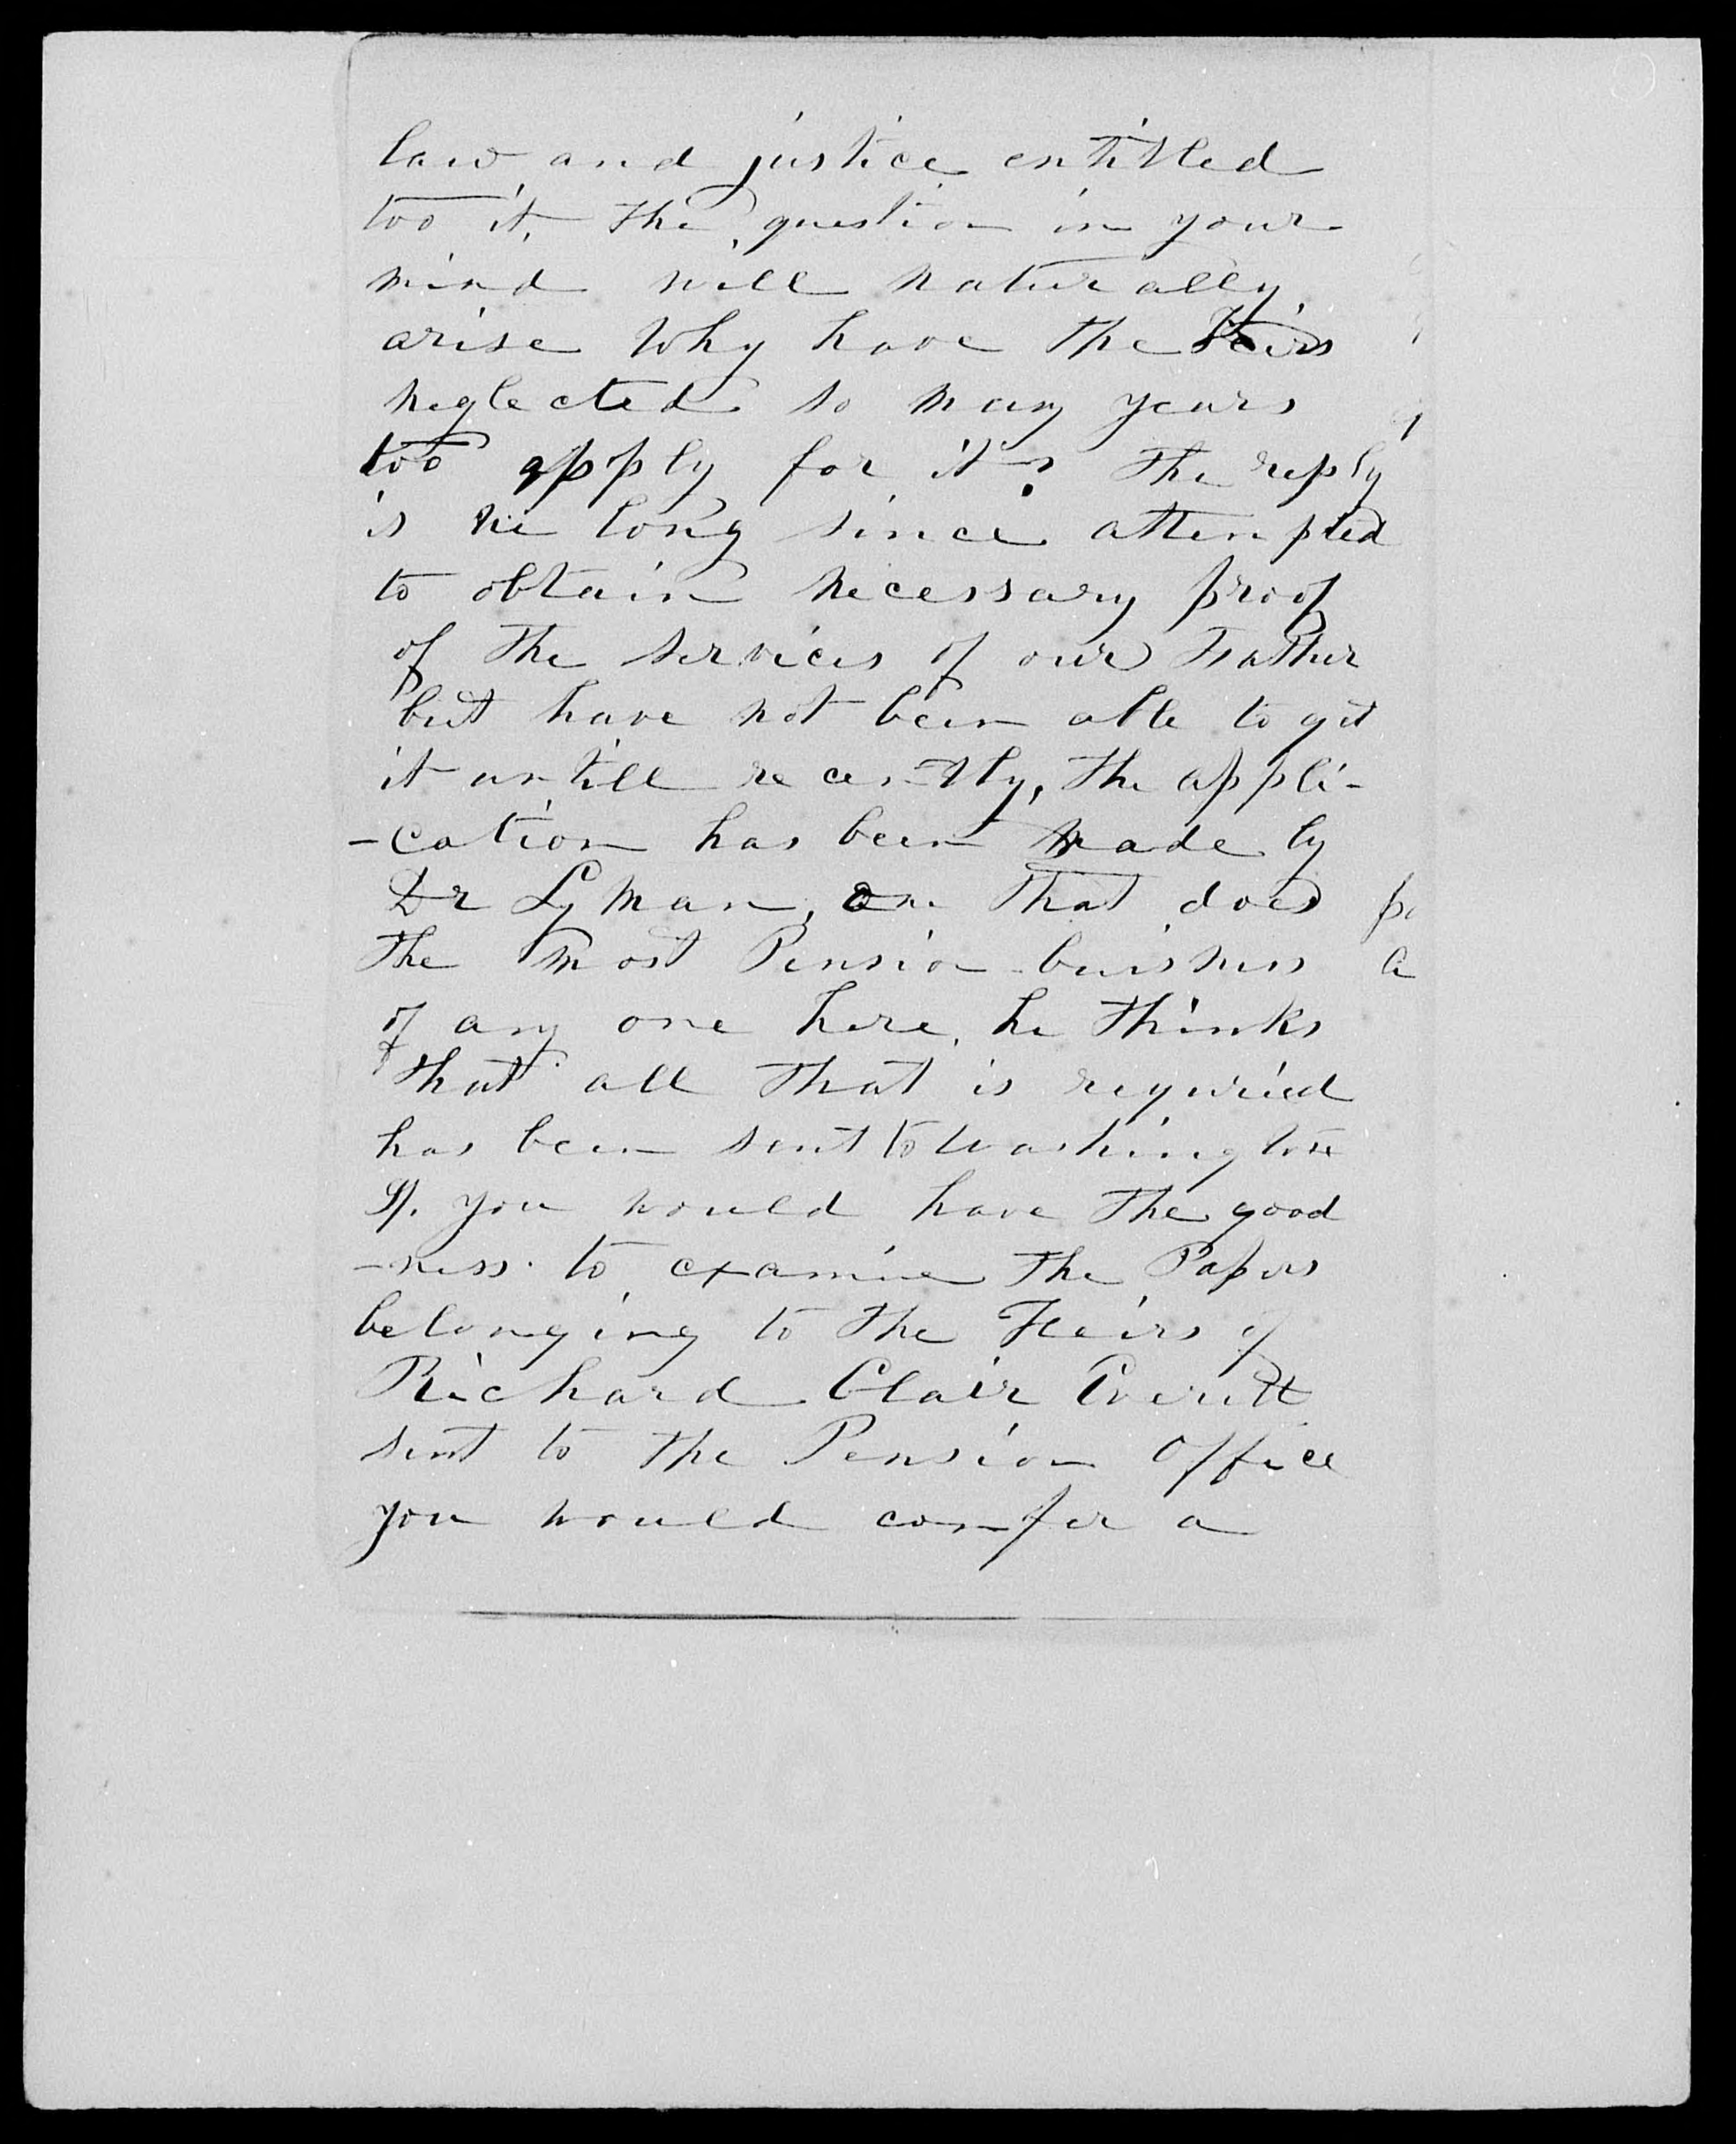law and justice entitled to it, the question in your mind will naturally arise why have the heirs neglected so many years to apply for it? The reply is [that] he long since attempted to obtain necessary proof of the services of our Father but have not been able to get it until recently, the application has been made by Dr Lyman, one that does the most pension business of any one here, he thinks that all that is required has been sent to Washington    If you would have the goodness to examine the Papers belonging to the Heirs of Richard Clair Everett sent to the Pension Office you would confer a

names: Lyman, Richard Clair Everett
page: 36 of 59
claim: widow's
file: W. 23017, Richard Clair Everett, Mass.